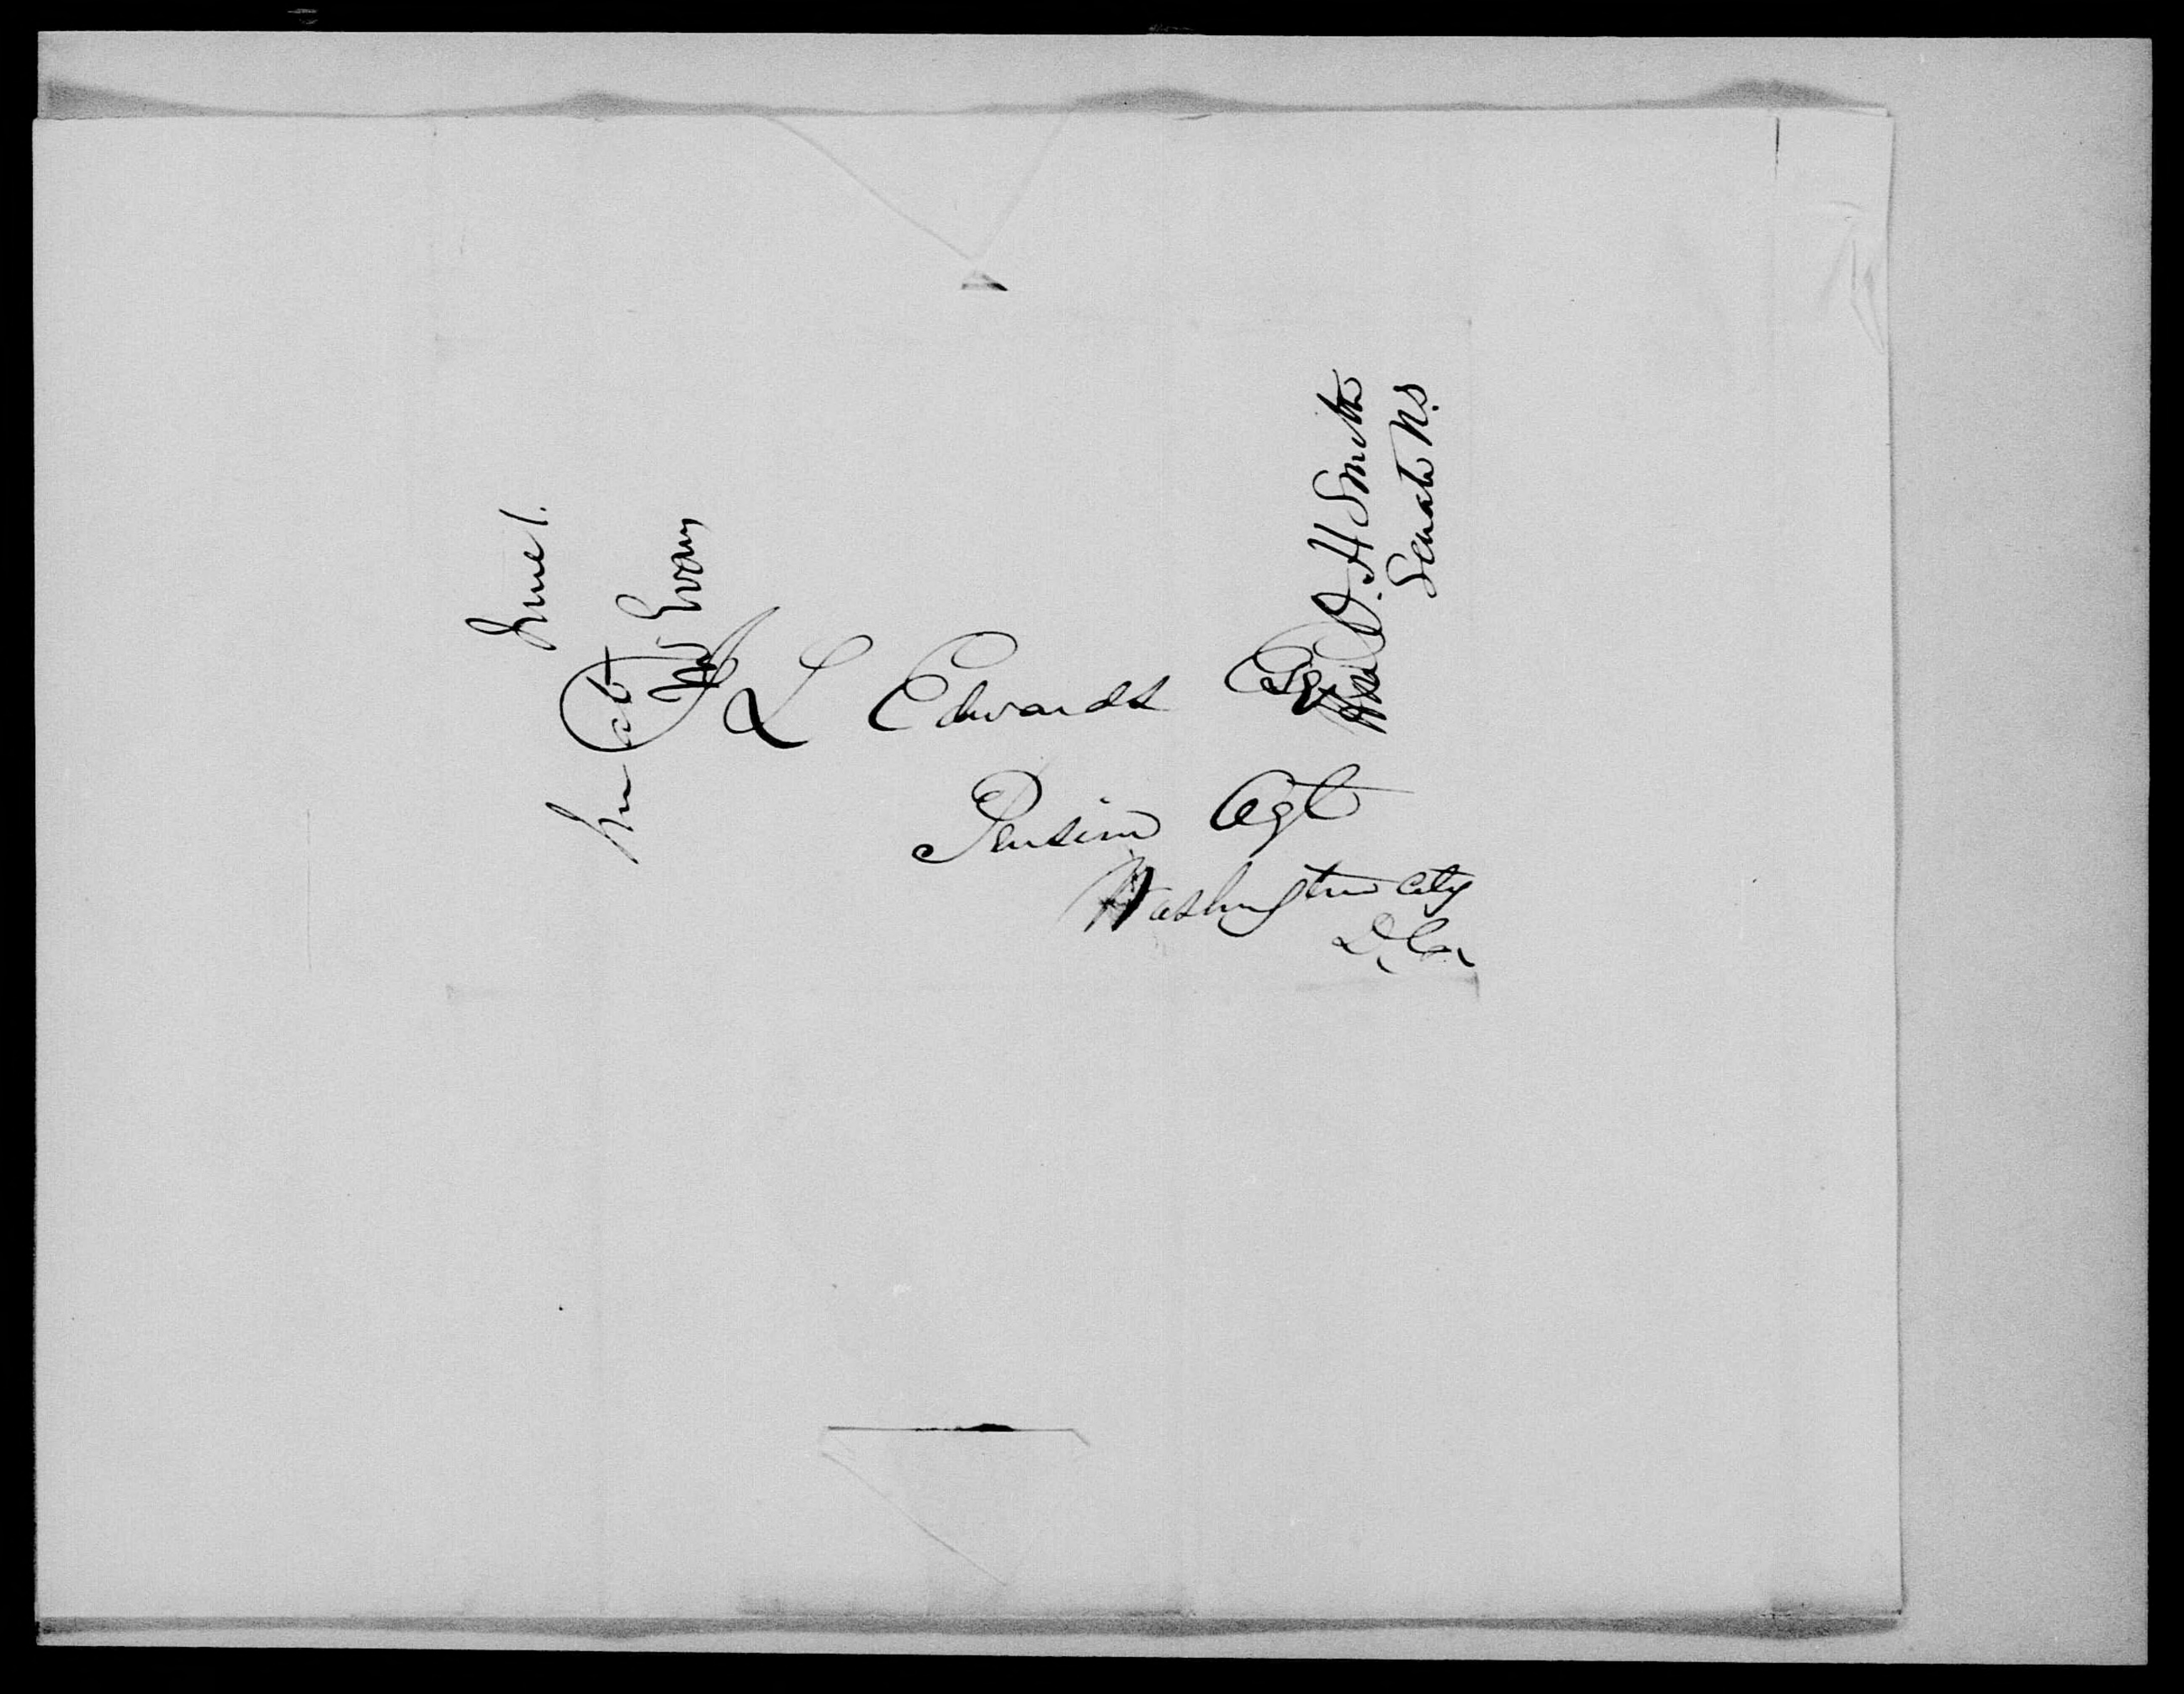J L Edwards
Pension Agt
Washington City
DC

June 1
[illegible] at

W Evans

Hon O H Smith 
Senate U.S.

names: [BLANK] Evans; O H Smith; J L Edwards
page: 17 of 21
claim: survivor's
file: S. 32453, for William Polen, Virginia